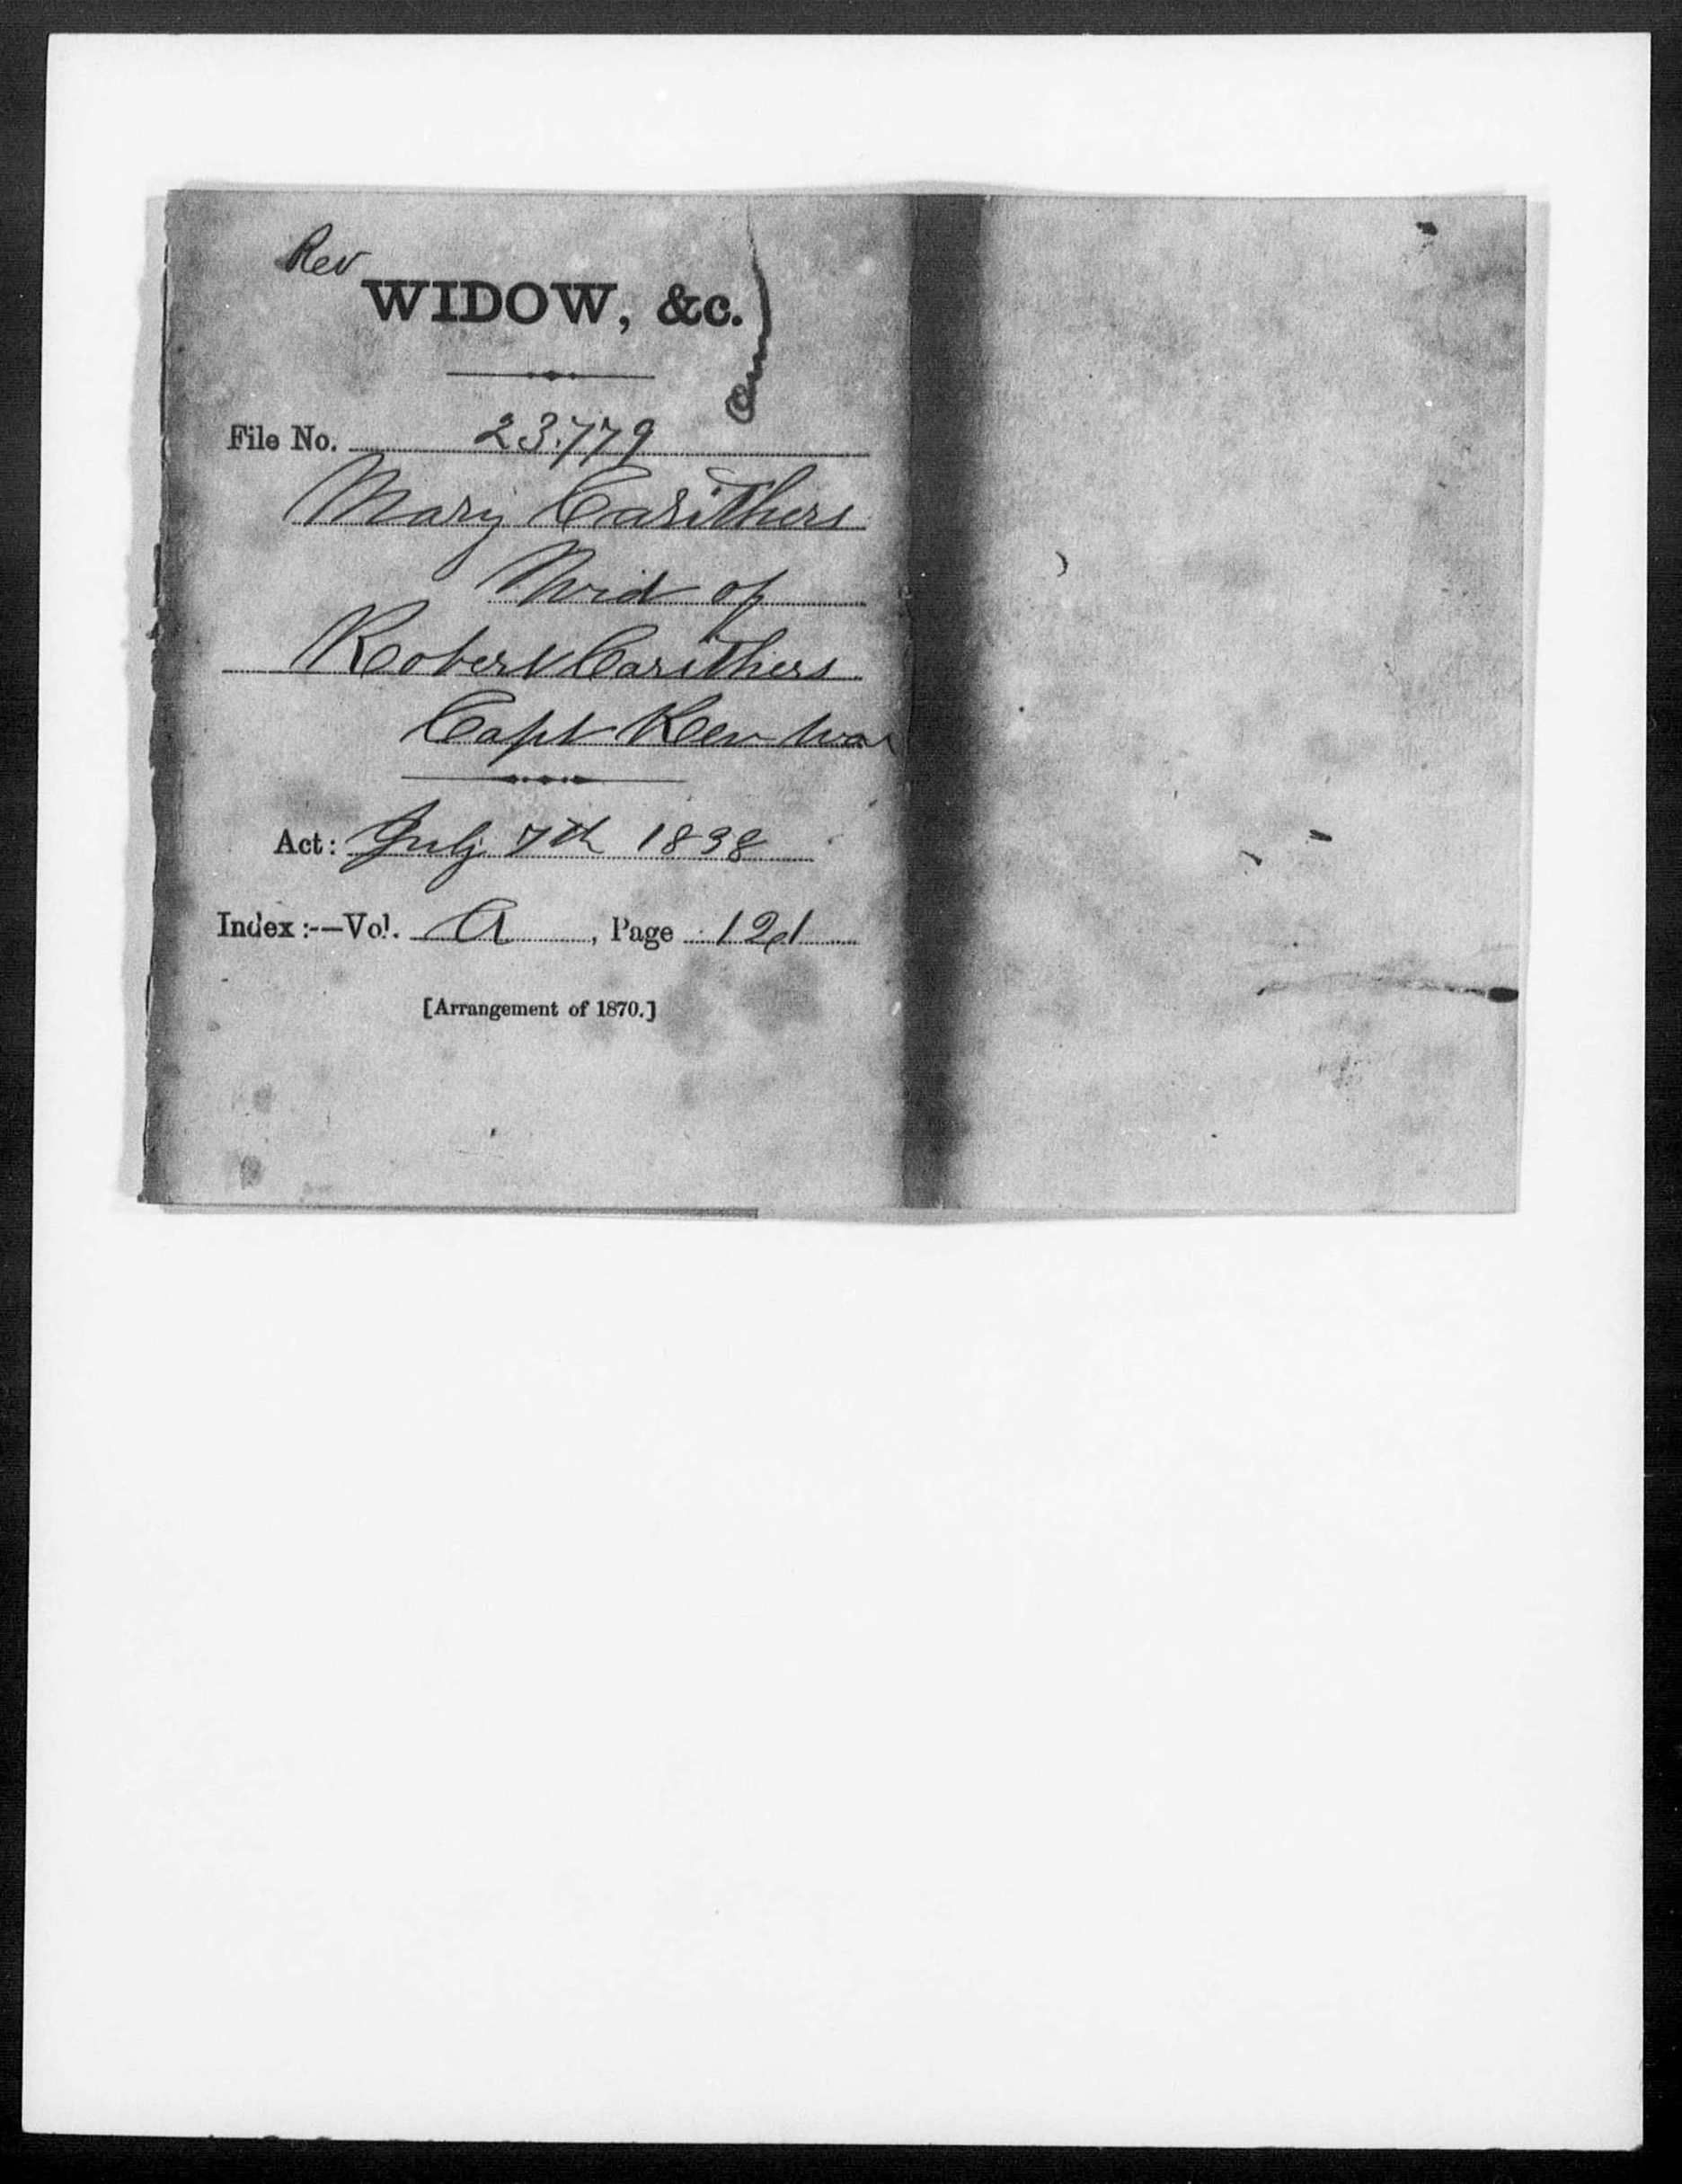Rev
WIDOW, &c.
File No. 23779
Mary Carithers
Wid of
Robert Carithers
Capt Kenwas

Act: July 7th 1838
Index: - Vol. A, Page 12
[Arrangement of 1870.]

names: Robert Carithers, Mary Carithers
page: 15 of 33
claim: widow's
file: W. 23779, Robert Carithers, S.C.